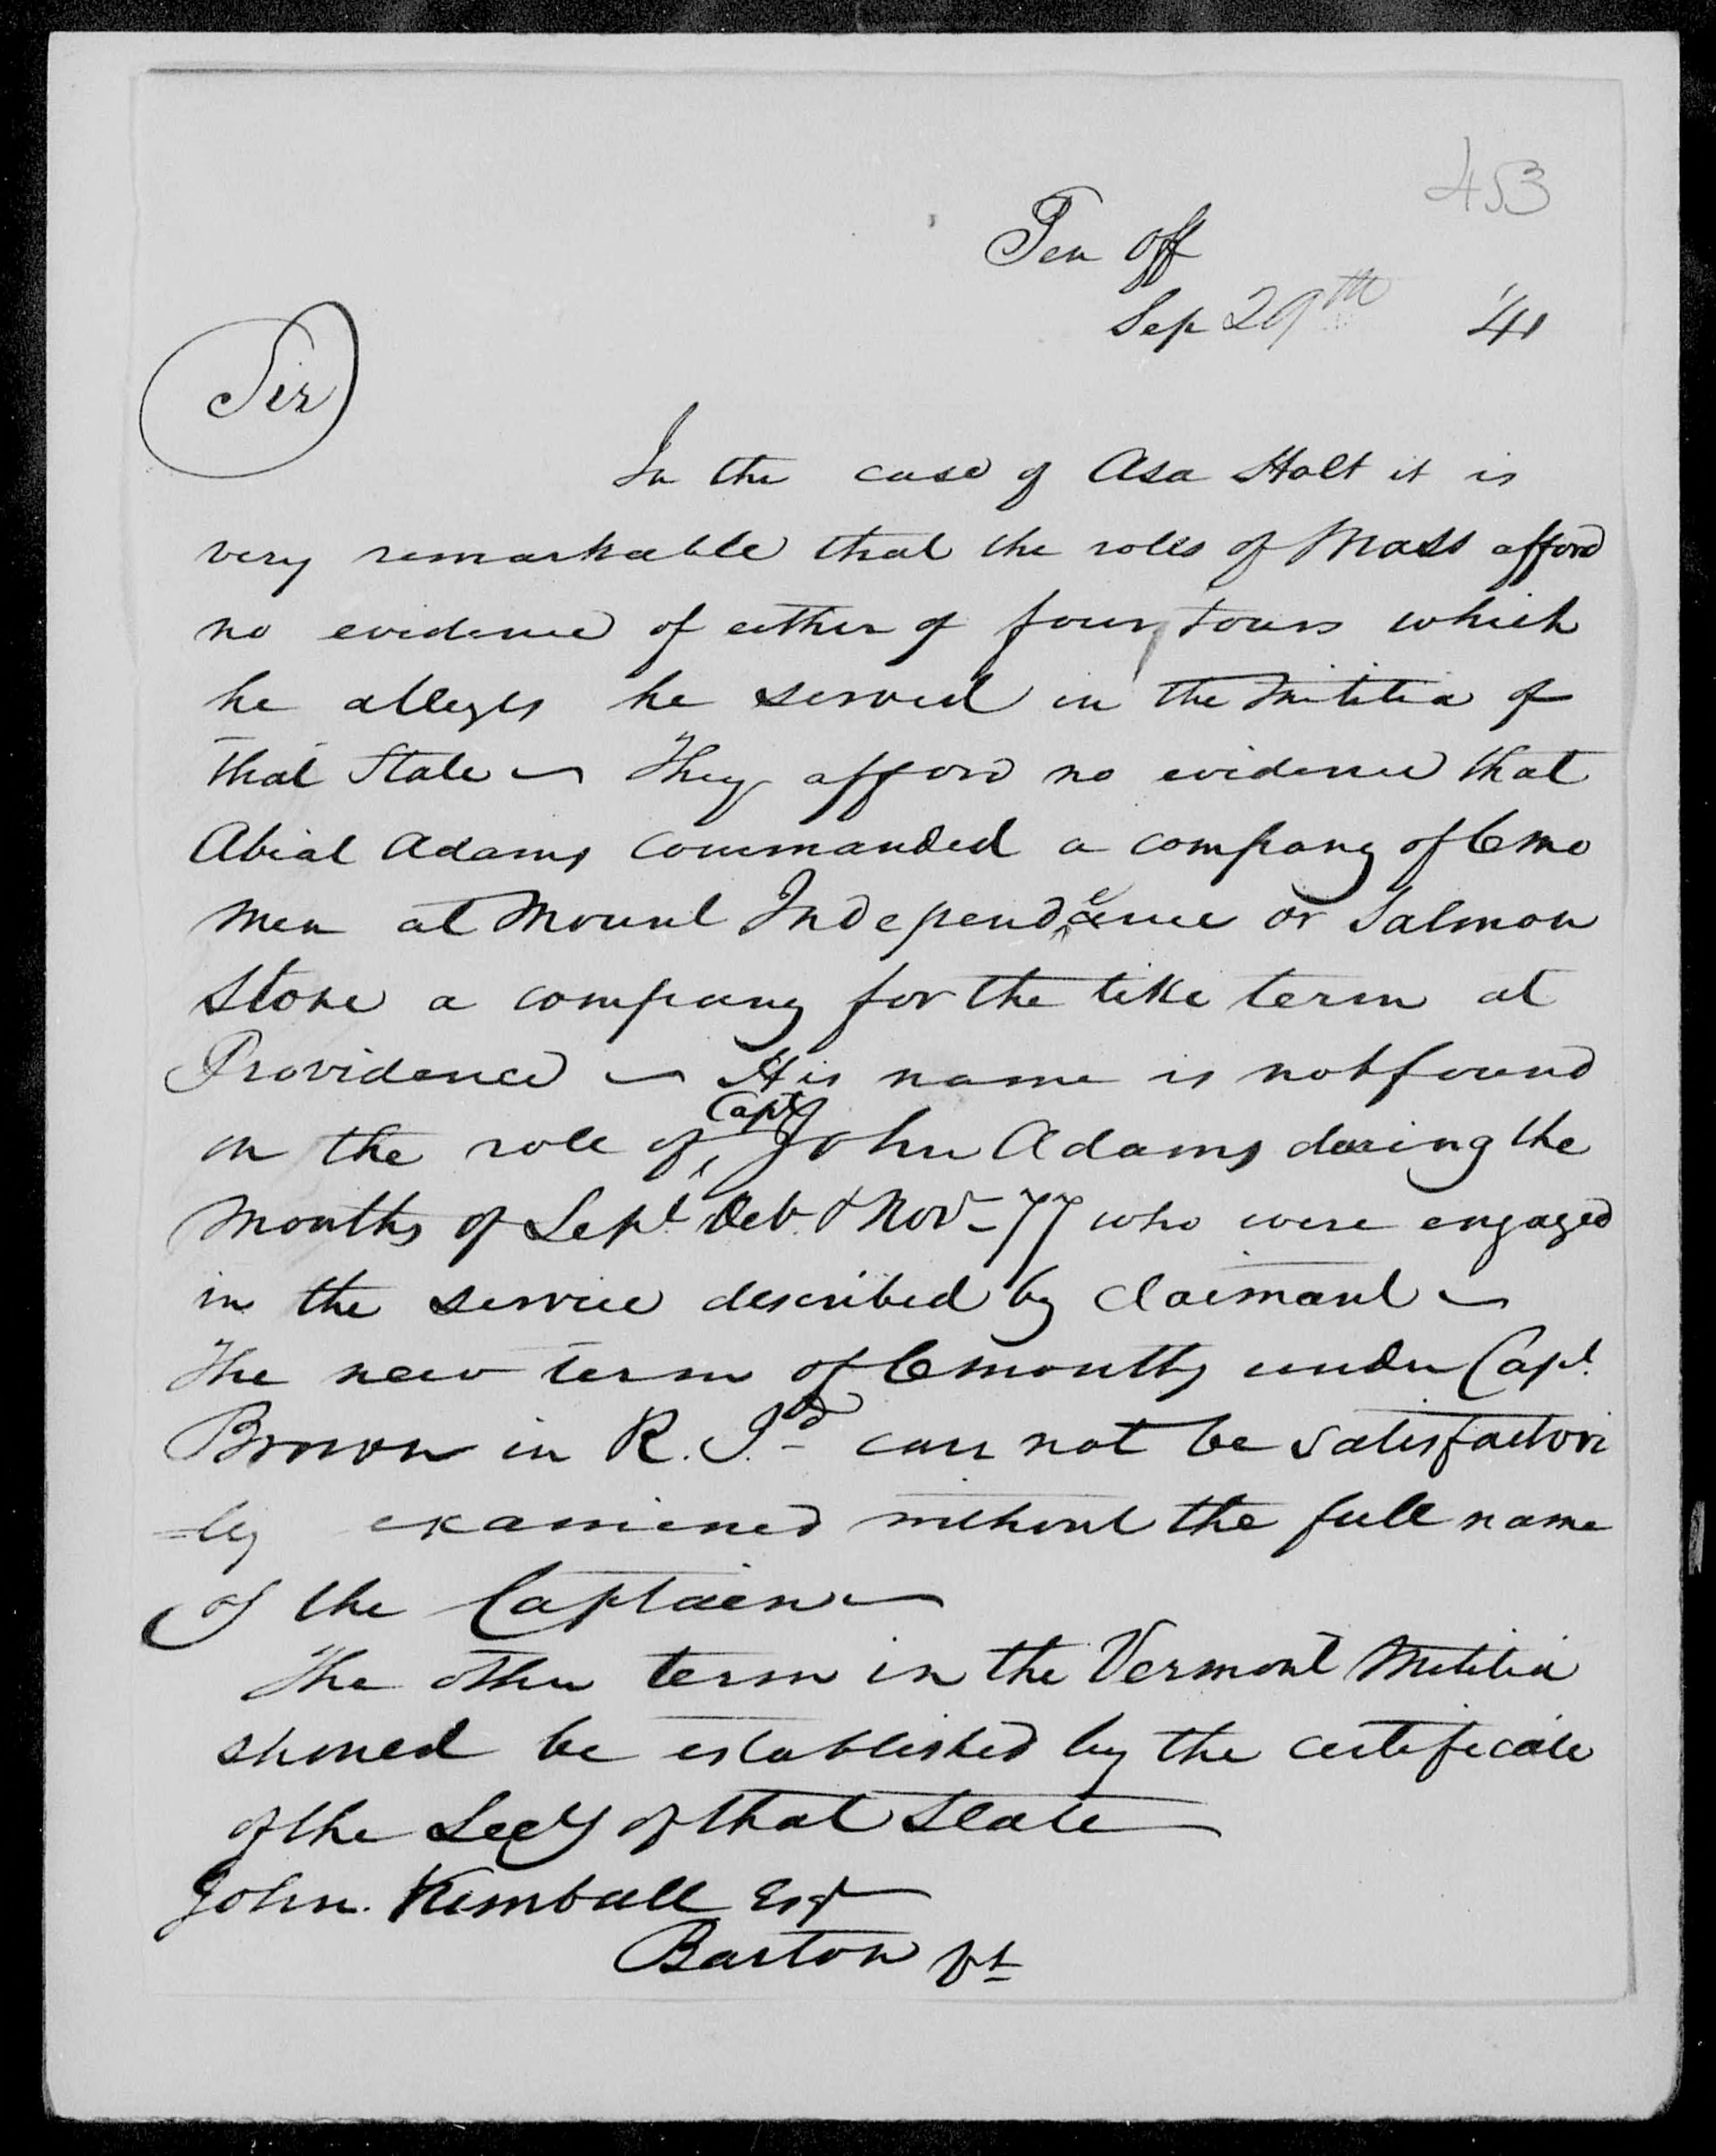(Sir
Ten of
Sep 29th
In the case of Asa Holt it is
very remarkable that the rolls of Mass afford
no evidence of either of four tours which
he alleges he served in the militia of
that State. They afford no evidence that
Abial Adams commanded a company of Co
men at Mount Independence of Salmon
Stone a company for the like term at
Providence. His name is not found
in the roll of John Adams during the
months of Lept Deb. & Nov. 77 who were engaged
in the service described by claimant -
The new term of month under Capt
Brown in R. I can not be satisfactor
ly examined without the full name of
the Captain
the other term in the Vermont Militia
should be established by the certificate
of the Secy of that state
John Kimball Esq
Barton St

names: Abial Adams, John Kimball, John Adams, Asa Holt, Brown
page: 12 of 24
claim: rejected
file: R. 5180, Asa Holt, Mass. Vt.